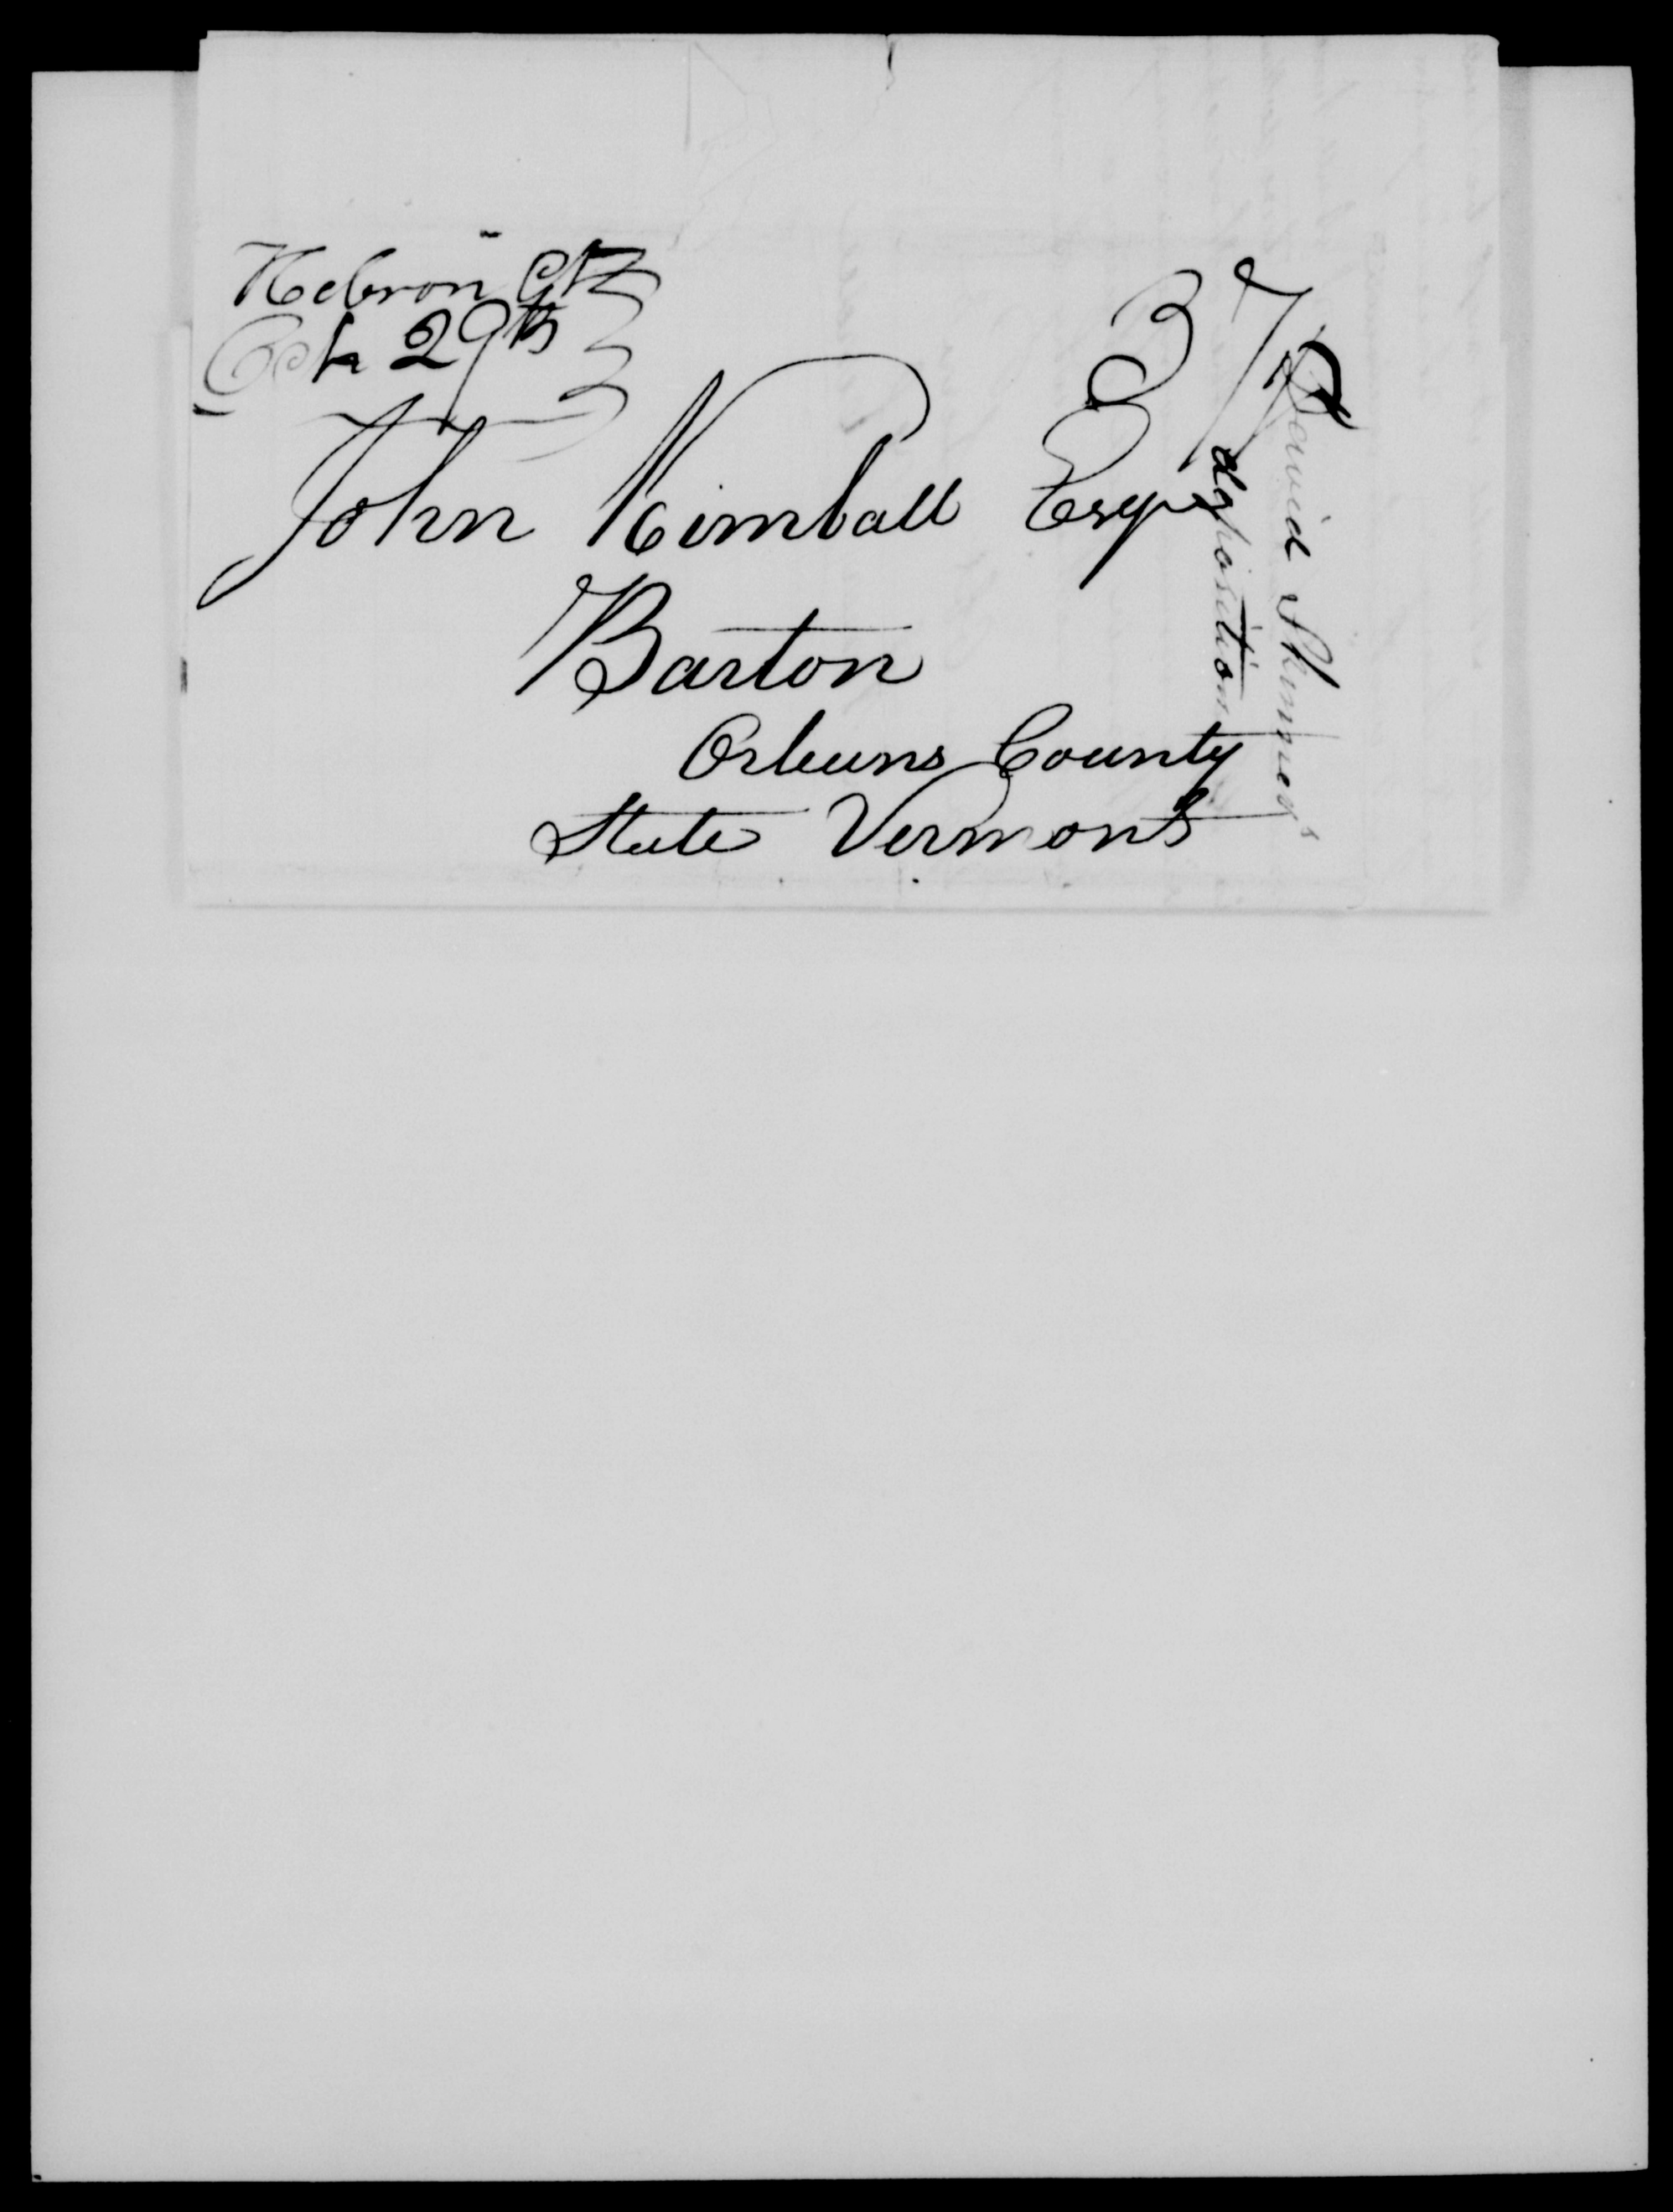Hebron, Ct.
Oct. 29th
37
John Kimball Esqr.
Barton
Orleans County 
State Vermont

(sideways)
Danile Skinner
Deposition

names: John Kimball; Daniel Skinner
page: 9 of 46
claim: widow's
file: W. 24976, for Daniel Skinner, New Hampshire